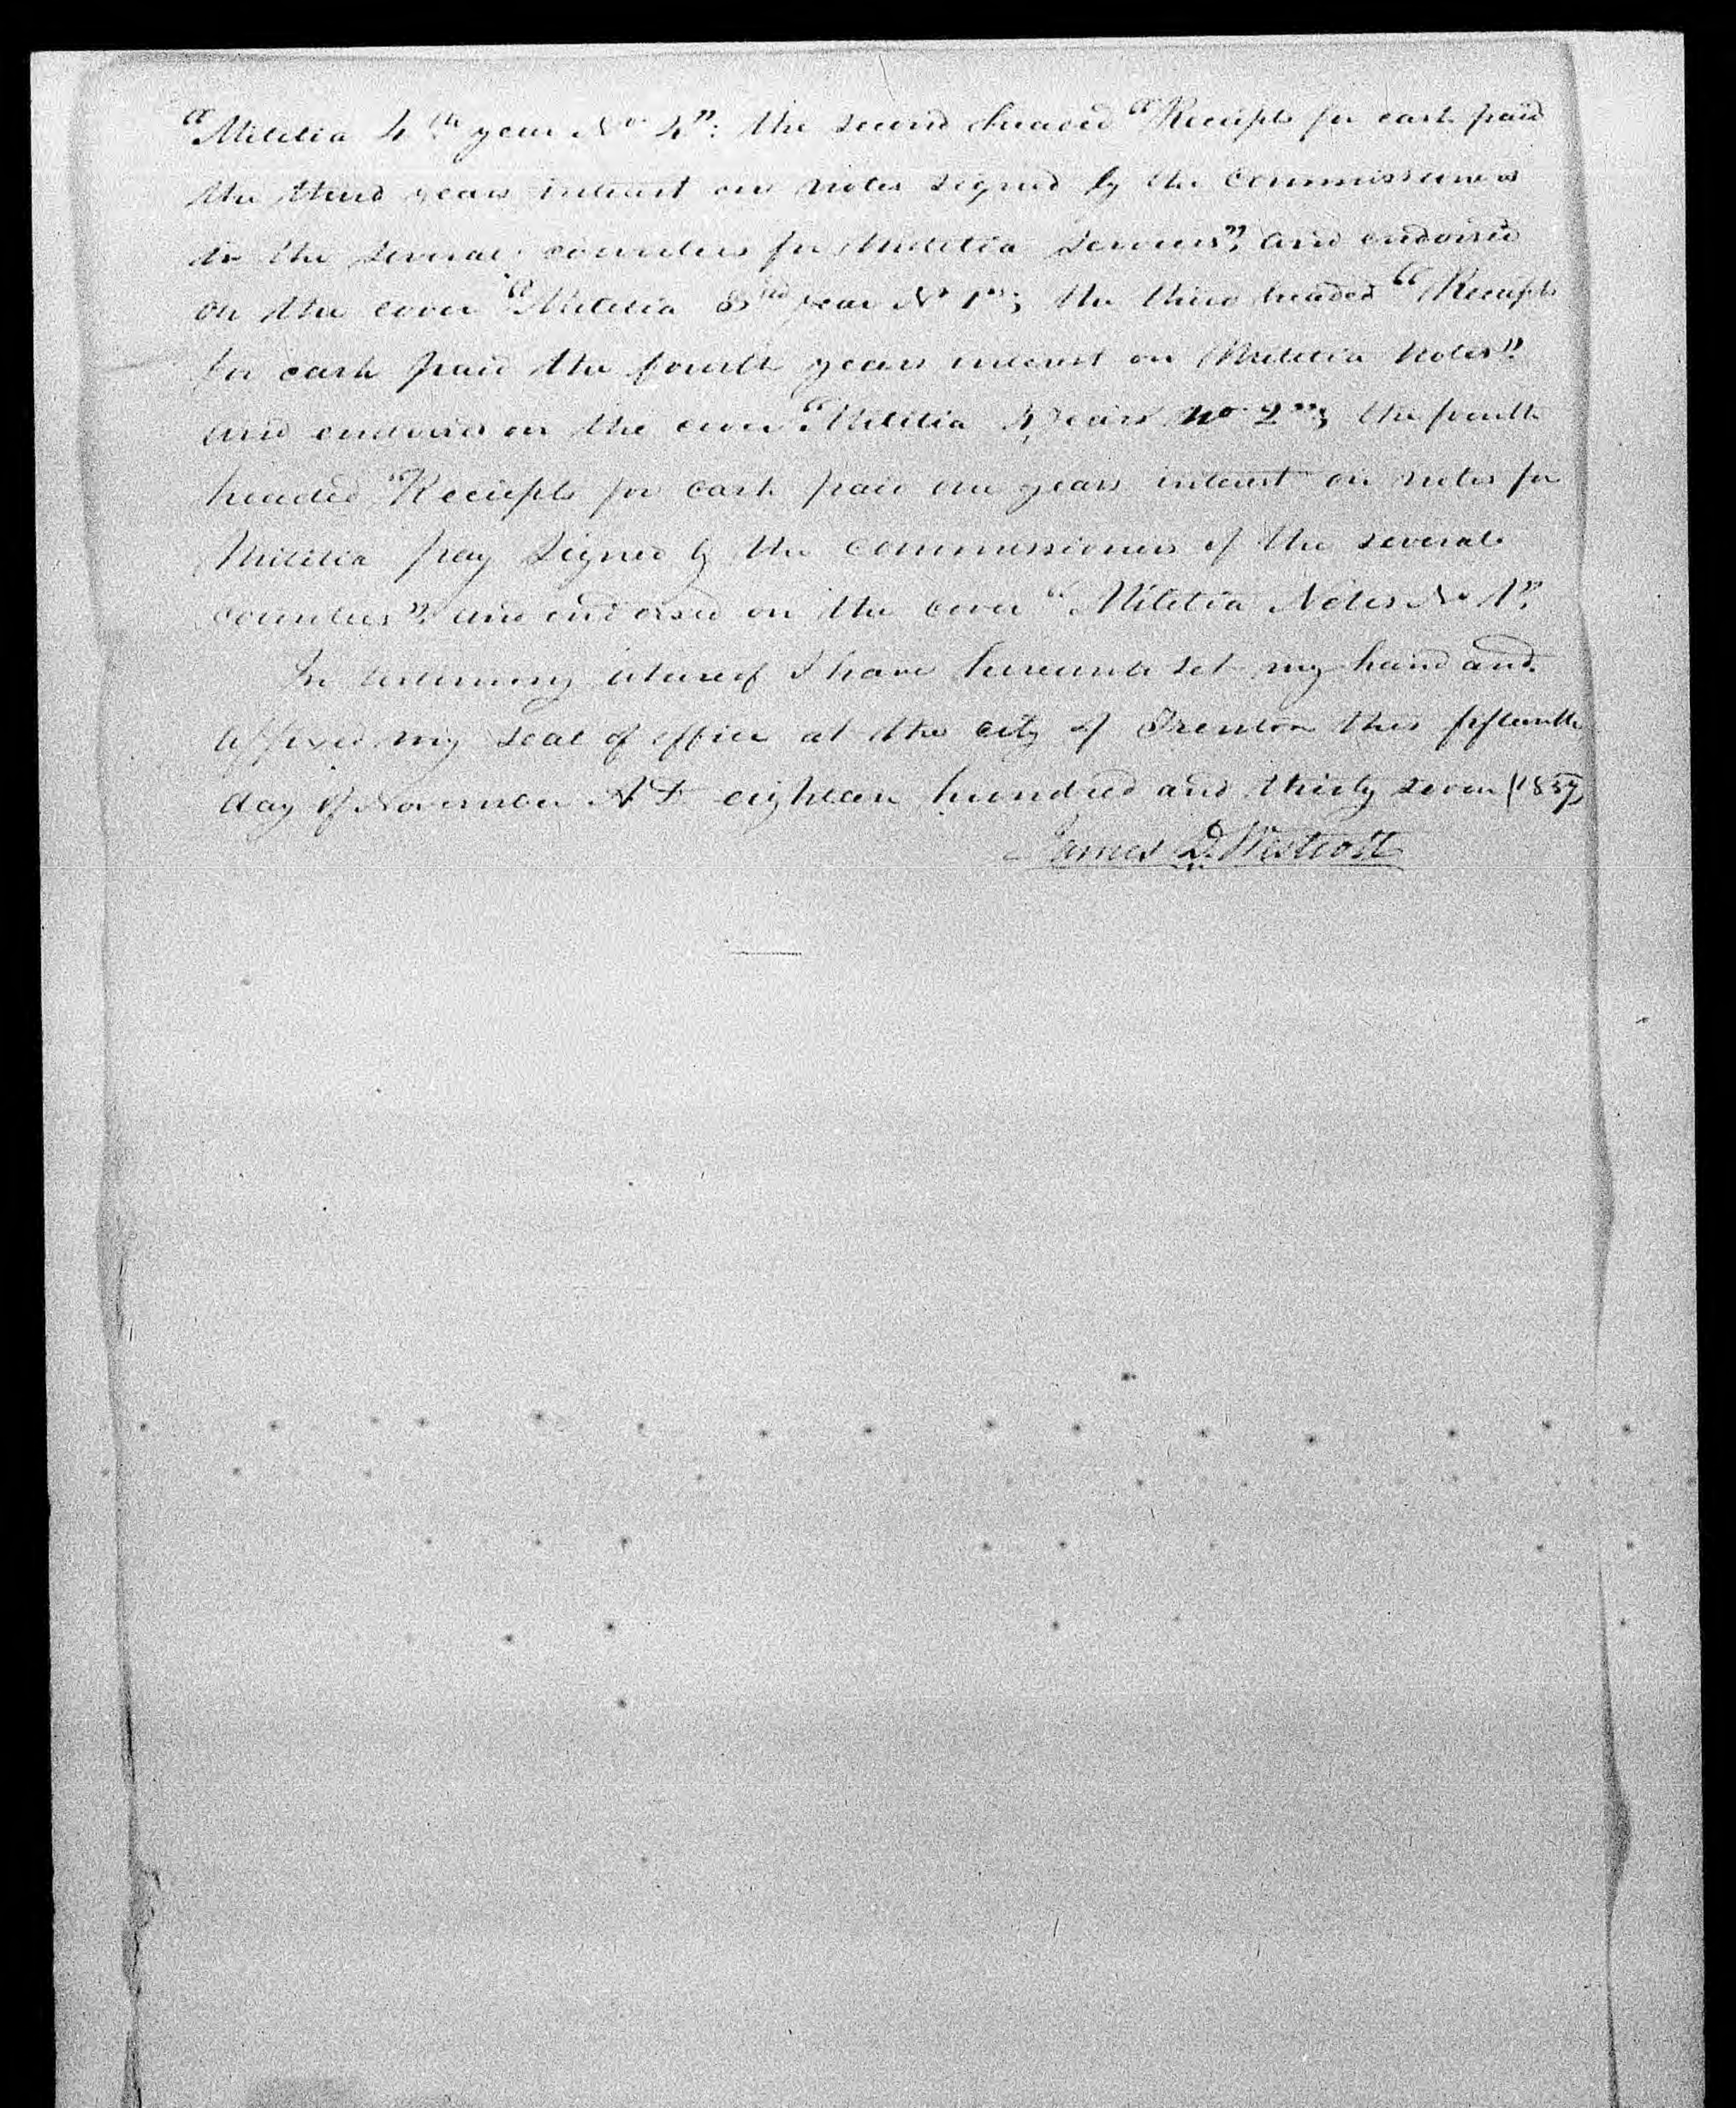Militia 4th year No 4. the second headed "Receipts for cash paid the third years interest on notes signed by the Commissioner
in the several counties for Militia services", and endorsed on the cover "Militia 3rd year No 1"; the third headed "Receipt for cash paid the fourth years interest on Militia Notes", and endorsed on the cover "Militia 4 years No 2", the fourth headed "Receipts for cash paid one years interest in notes for Militia pay signed by the commissioner of the several counties 
and endorsed on the cover "Militia Notes No 1". 

In testimony whereof I have hereunto set my hand and affixed my seal of office at the City of Trenton this fifteenth day of November AD eighteen hundred and thirty seven (1837).
James D. Westcott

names: James D Westcott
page: 16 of 34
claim: widow's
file: W. 940, John Hulshart, New Jersey